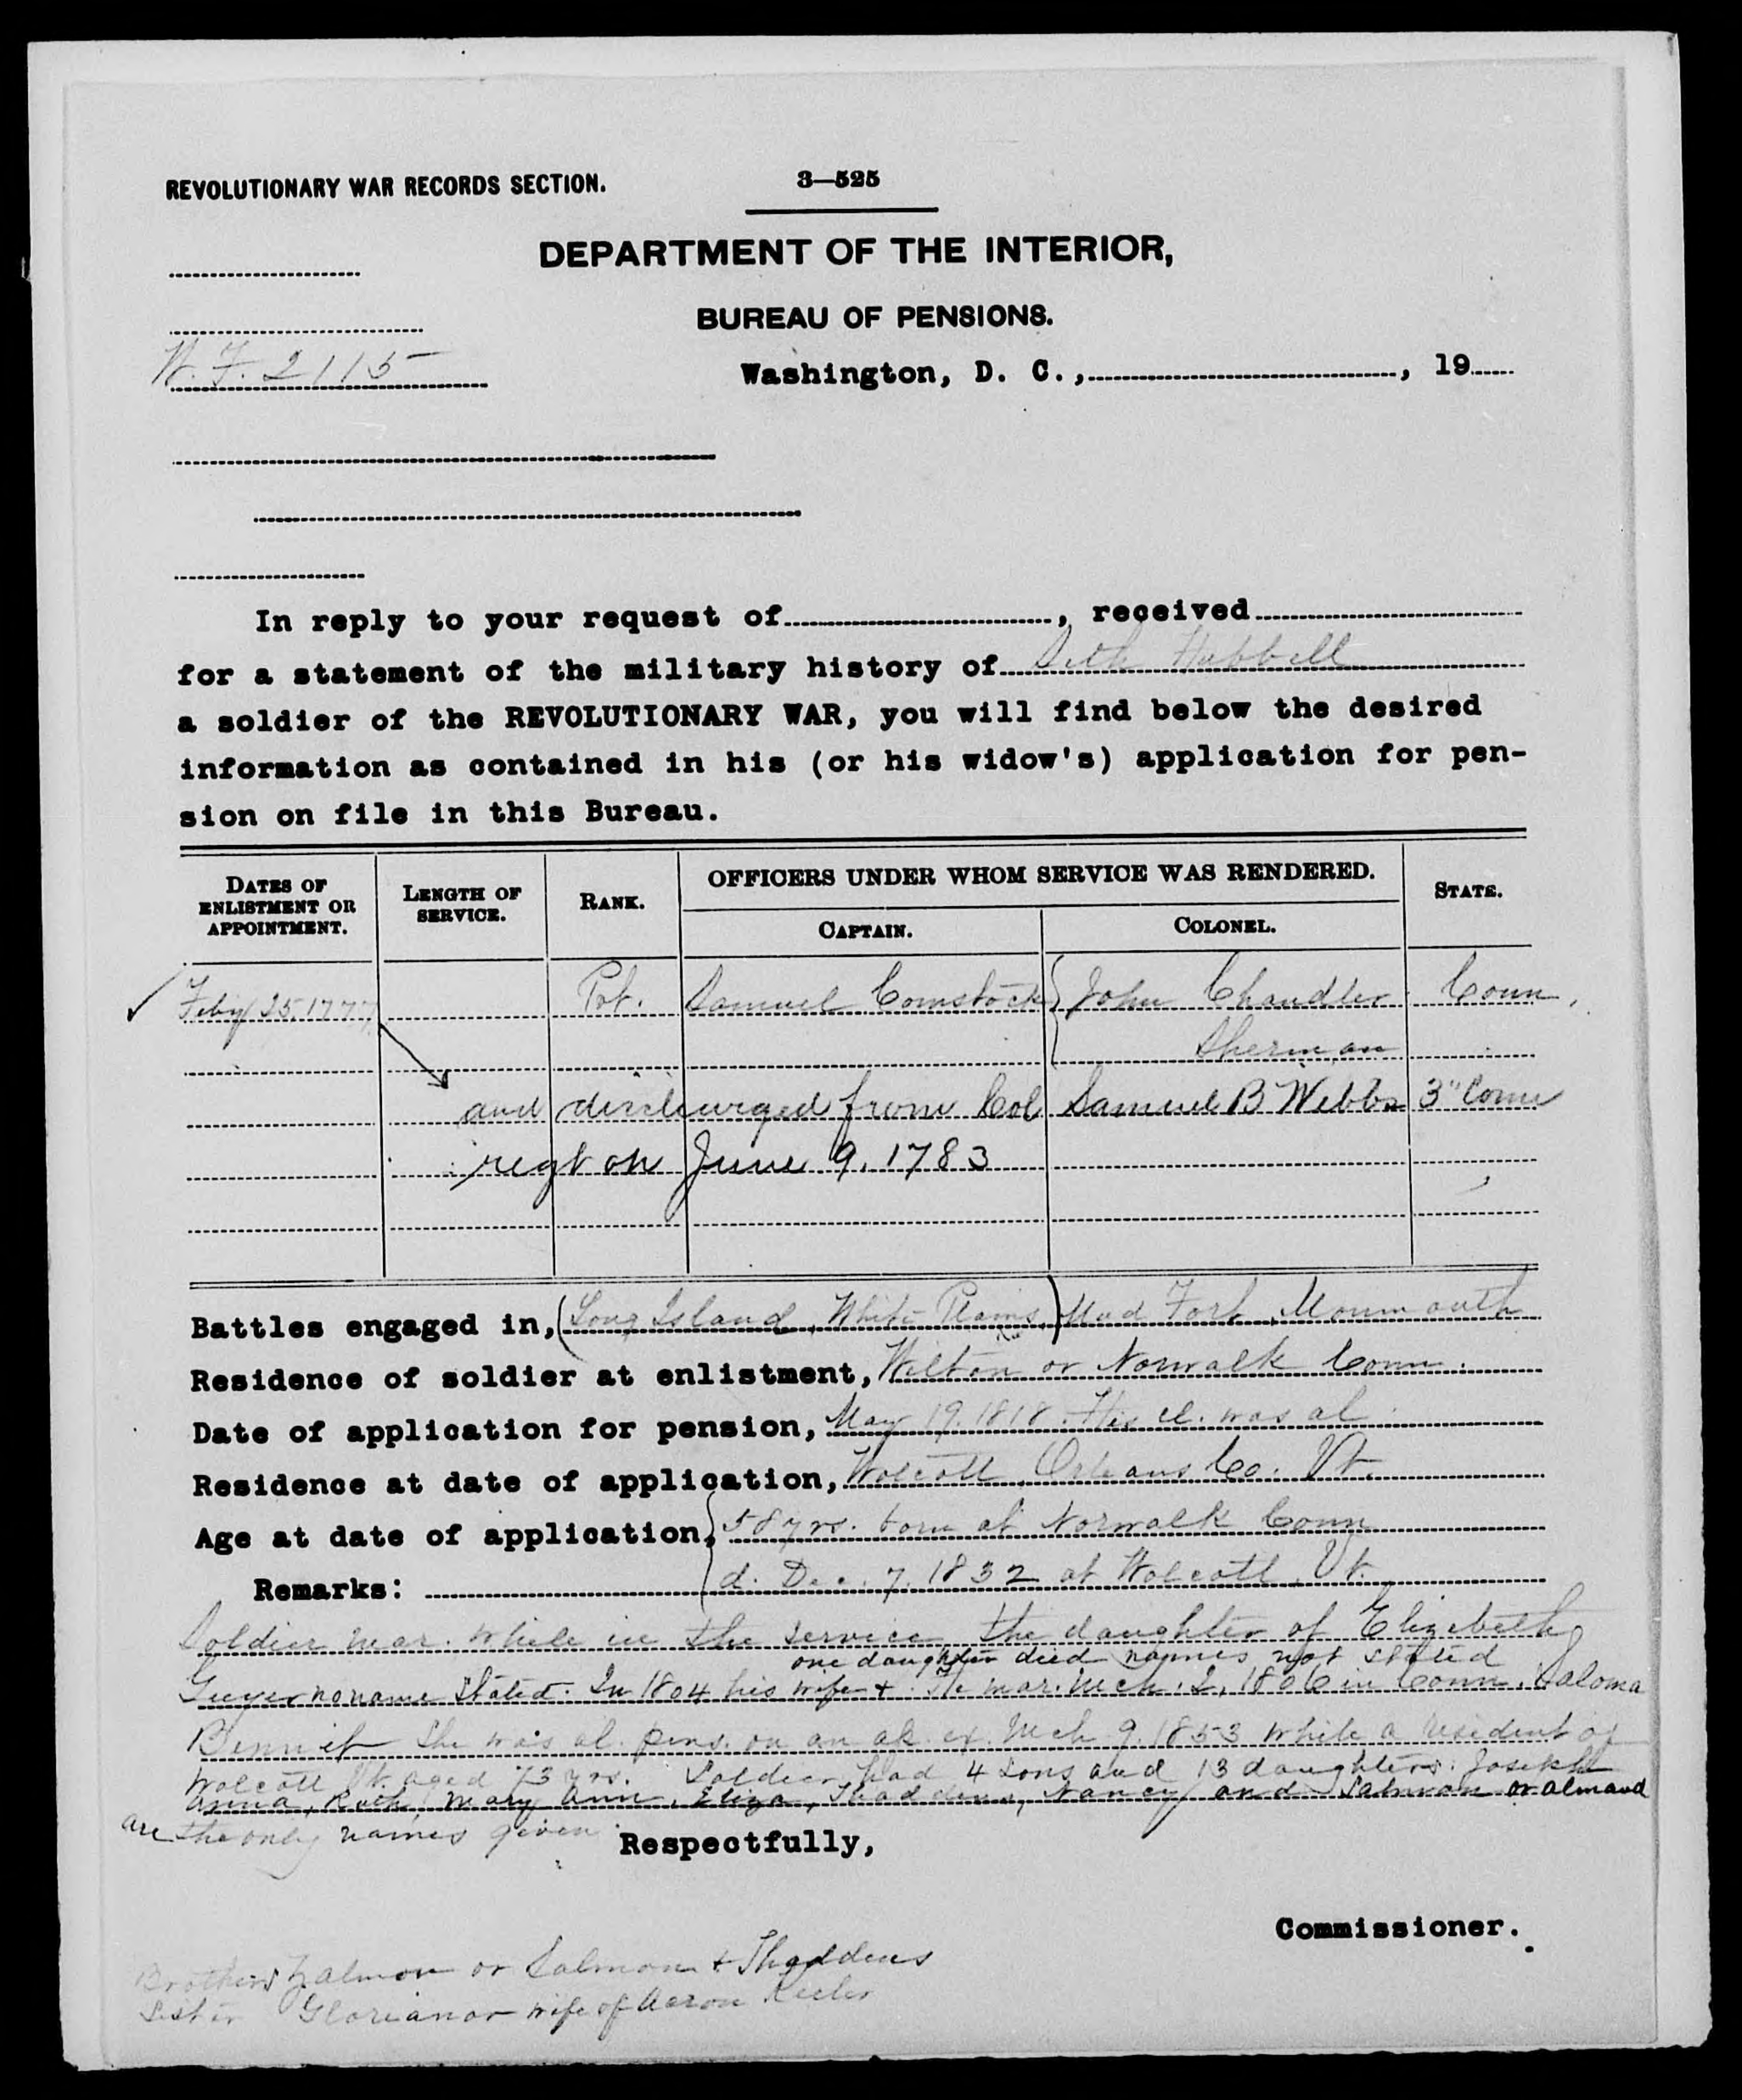REVOLUTIONARY WAR RECORDS  SECTION 3-525
DEPARTMENT OF THE INTERIOR
N. F 2115
BEREAU OF PENSIONS
Washington, D.C. ,_________________, 19----

In reply to your request of _________, received_________ for a statement of the military history of Seth Hubbell  a soldier of the REVOLUTIONARY WAR, you will find below the desired information as contained in his (or his widow's) application for pension in file in the Bureau.
{column headings} DATES OF ENLISTEMENT OR APPOINTMENT. LENGTH OF SERVICE. RANK. OFFICERS UNDER WHOM SERVICE WAS RENDERED. CAPTAIN. COLONEL. STATE

{Hand written check mark} Feby 25,1777 Pvt. Samuel Comstock, John Chandler Sherman Conn.
 {handwritten arrow to the following} and discharged from Col. Samuel B Webbs  regt on June 9, 1783  3 Conn

Battles engaged in (Long Island, White Plains) Mud Fork, Conn auth
Residence of soldier at enlistment, Wilton or Norwalk Conn.
Date of application for pension, May 19. 1818 . His cl. was al
 Residence at date of application, Wolcott, Orleans Co. Vt.     
Age at date of application, 58 yrs. born at Norwalk Conn d. Dec. 7 1832 at Wolcott Vt.
  Soldier near while in the service   the daughter of Elizabeth Guyer no name stated. In 1804 his wife + one daughter died names not stated . He mar. Mch, 2, 1806 in Conn. Saloma Bennet She was al. pens. on ak. ex. Mch 9, 1853 while a  resident of  Wolcott Vt. aged 73 yrs.  Soldier has 4 sons and 13 daughters. Joseph, Anna, Ruth, Mary Abb, Eliza, Thaddeus, Nancy and Salmon or Almand  are the only names given. 
Respectfully, Commissioner

Brothers Zalman or Salmon + Thaddeus
Sister Glorianan wife of Aaron Recter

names: Salmon, Joseph, Saloma Bennet, Sherman, Seth Hubbell, Thaddeus, Aaron Keeler, John Chandler, Elizabeth Guyer, Glorian, Eliza, Samuel Comstock, Anna, Samuel B Webbs, Ruth, Zalmon, Mary Ann, Nancy, Almond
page: 61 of 114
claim: widow's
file: W. 2115, Seth Hubbell, Conn.